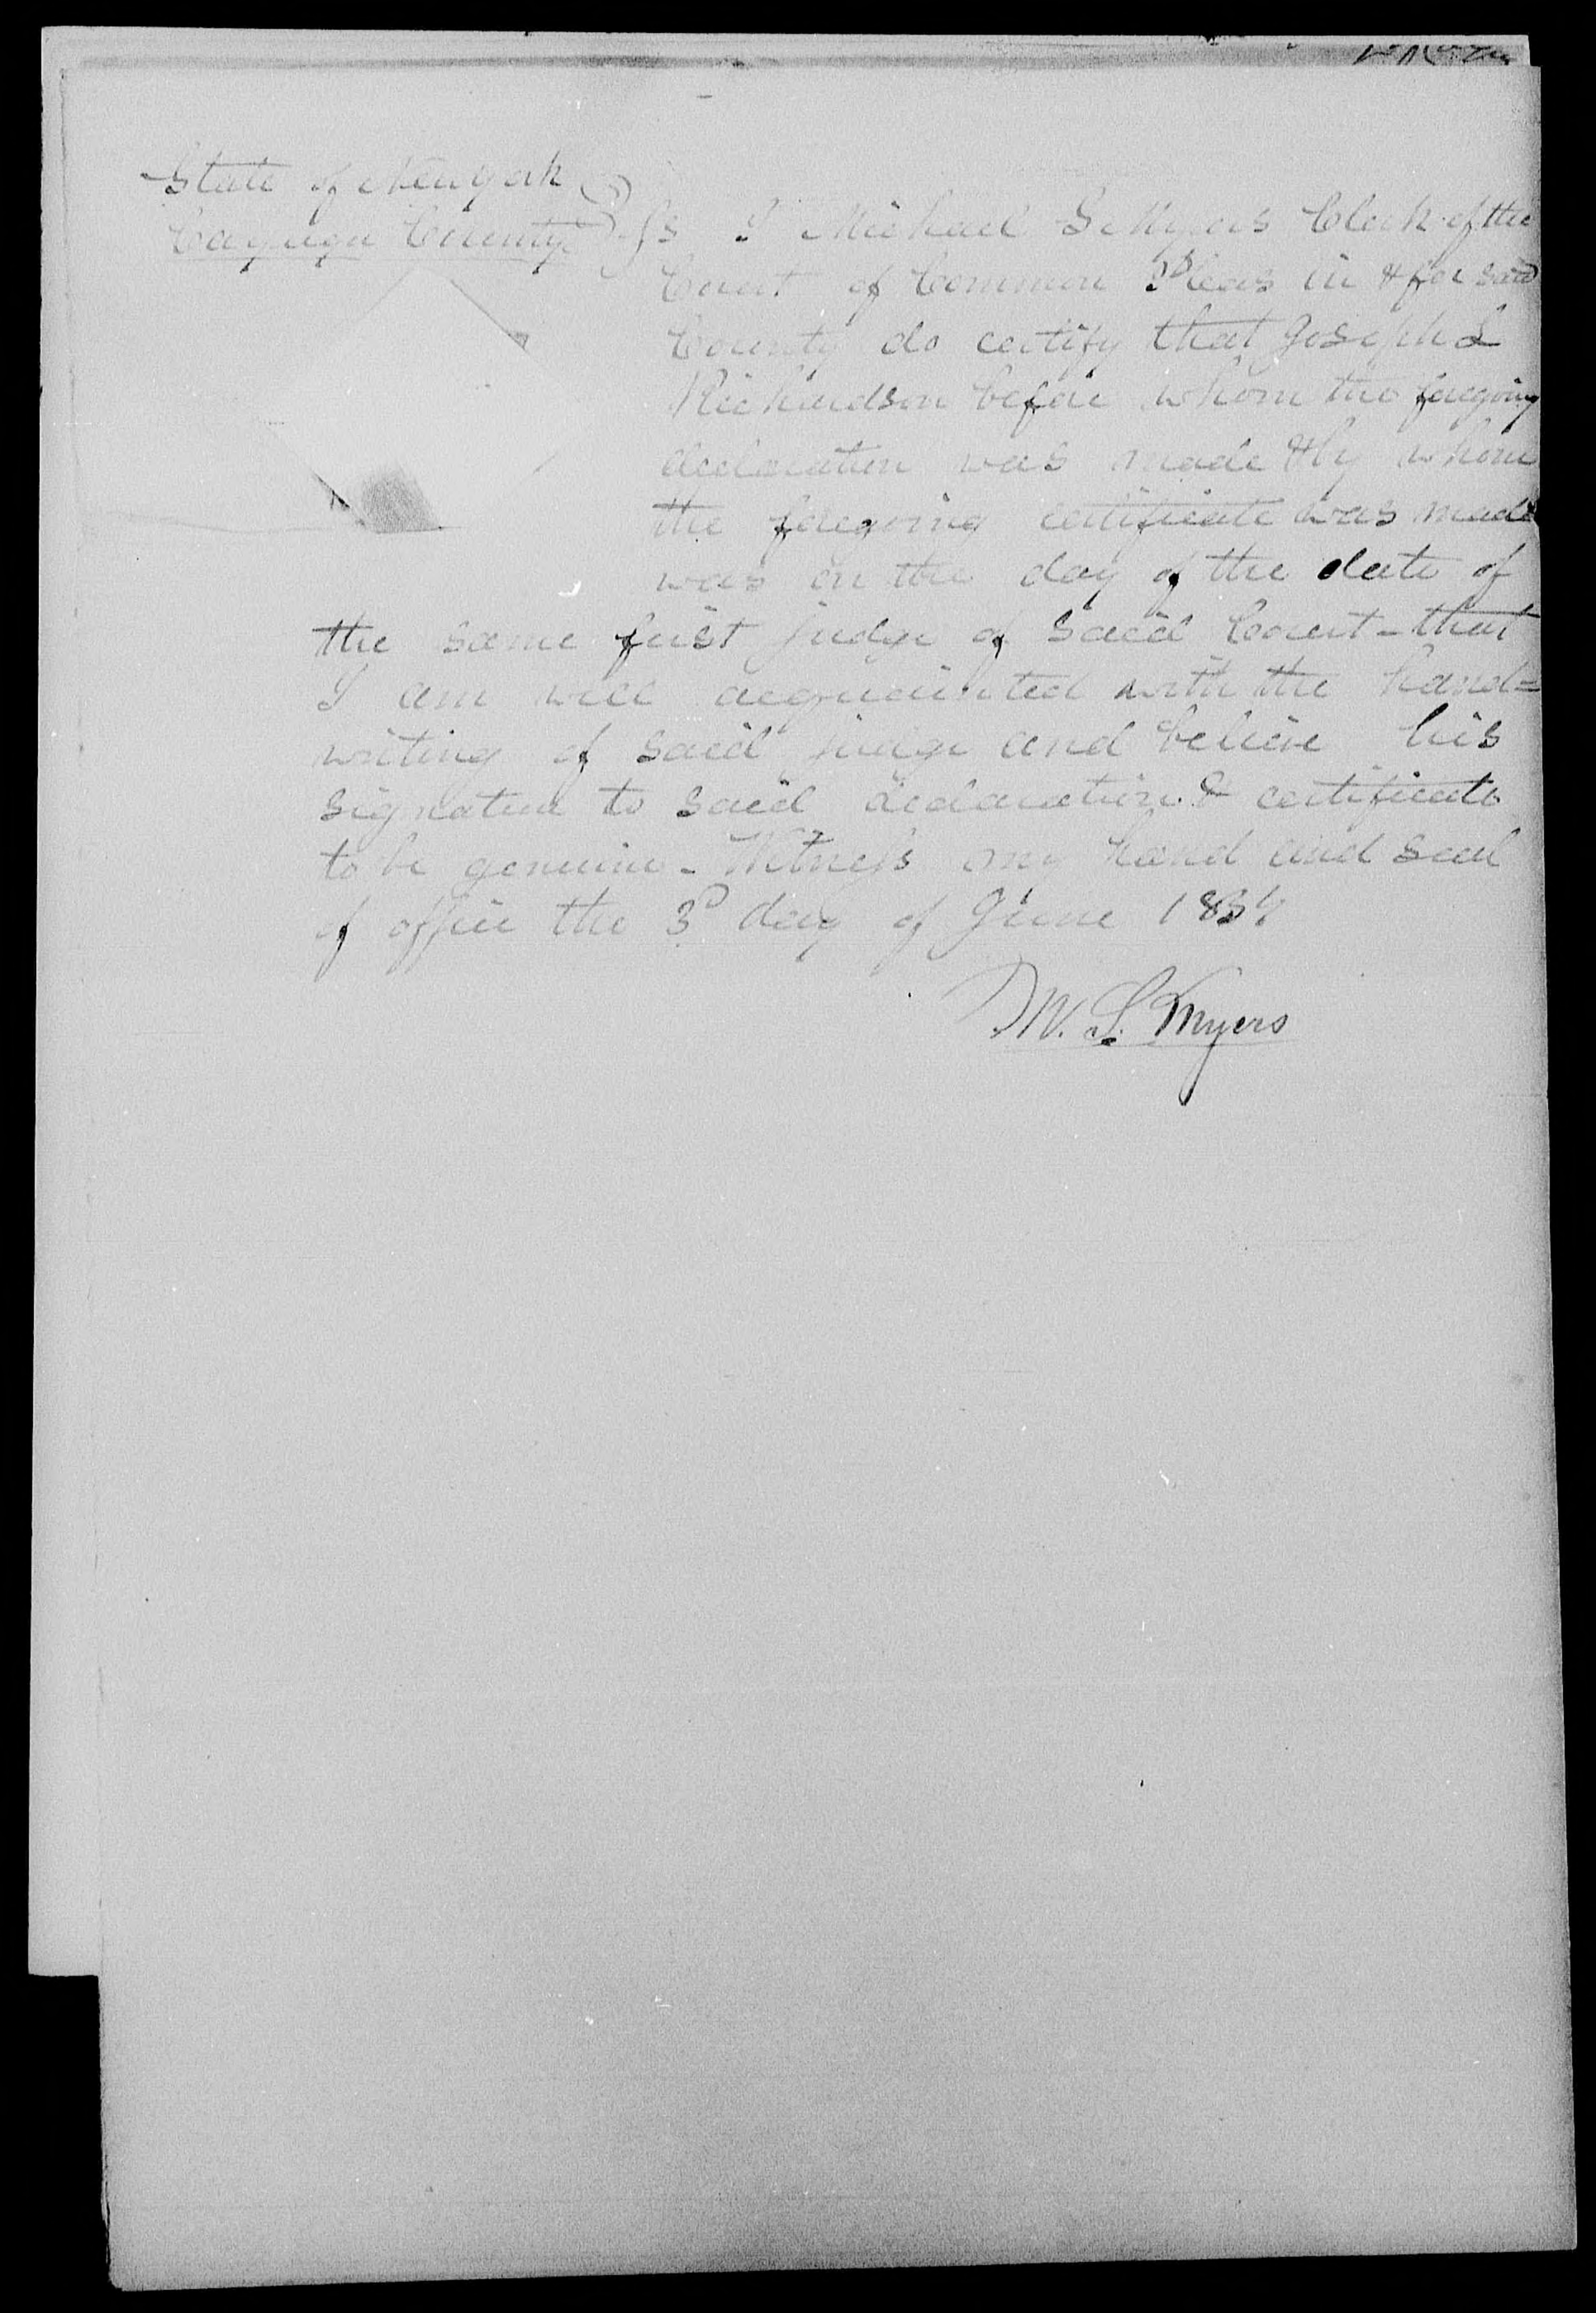State of New York
Cayuga County  }SS     I Michael S Myers Clerk of the Court of Common Pleas in aforesaid County do certify that Joseph L Richardson before whom the forgoing declaration was made by whom the forgoing certificate was made was on the day of the date of the same first judge of said court that I am well acquainted with the handwriting of said judge and believe his signature to said declaration and certificate to be genuine. Witness my hand and seal of office the 3rd day of June 1834.

M.S.  Myers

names: Michael S Myers, M S Myers, Joseph L Richardson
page: 32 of 35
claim: survivor's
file: S. 28727, Abraham Finch, Conn.